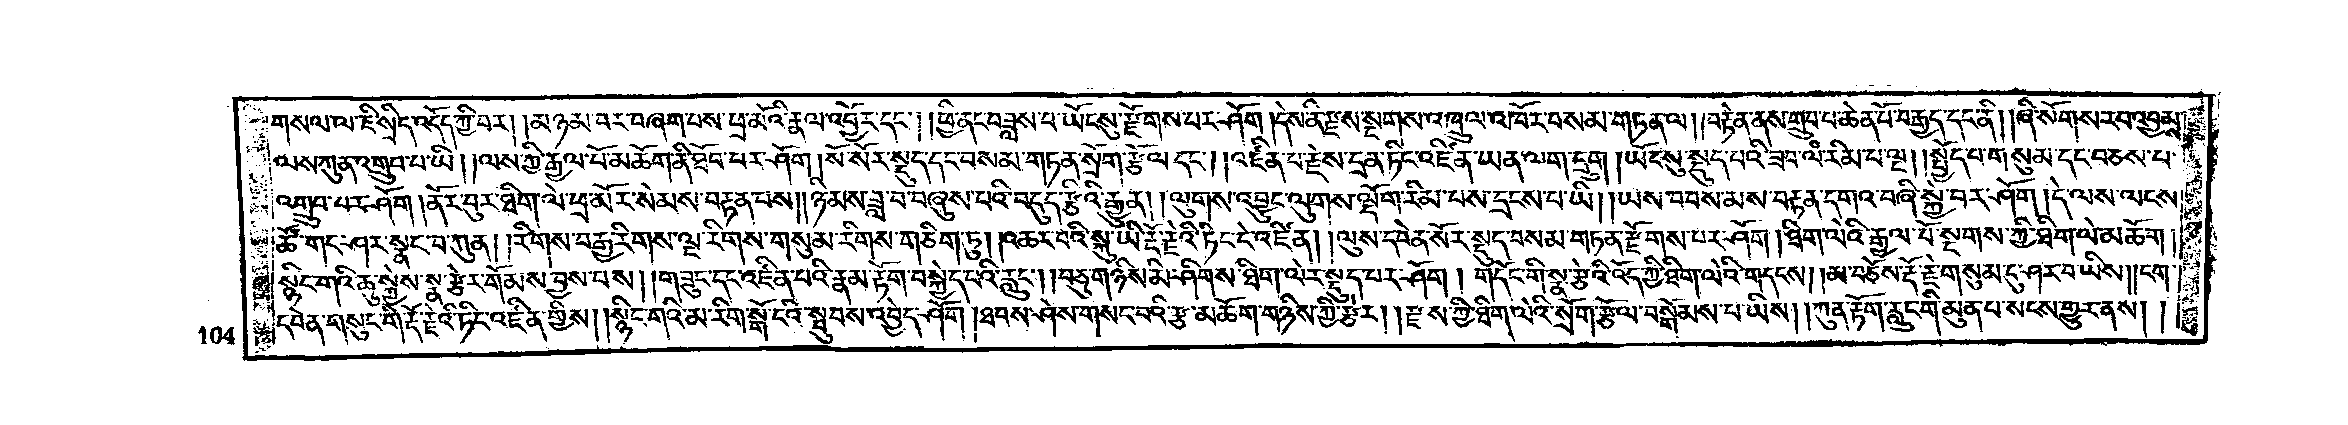གསལ་ལ་ཇི་སྲིད་འདོད་ཀྱི་བར། །མཉམ་བར་བཞག་པས་ཕྲ་མོའི་རྣལ་འབྱོར་དང་། །ཕྱི་ནང་བཟླས་པ་ཡོངས་སུ་རྫོགས་པར་ཤོག །དེས་ནི་རྫས་སྔགས་འཁྲུལ་འཁོར་བསམ་གཏན་ལ། །བརྟེན་ནས་གྲུབ་པ་ཆེན་པོ་བརྒྱད་དང་ནི། །ཞི་སོགས་རབ་འབྱམས་
ལས་ཀུན་འགྲུབ་པ་ཡི། །ལས་ཀྱི་རྒྱལ་པོ་མཆོག་ནི་ཐོབ་པར་ཤོག །སོ་སོར་སྡུད་དང་བསམ་གཏན་སྲོག་རྩོལ་དང་། འཛིན་པ་རྗེས་དྲན་ཏིང་འཛིན་ཡན་ལག་དྲུག །ཡོངས་སུ་སྡུད་པའི་ཟབ་ལཾ་རིམ་པ་ལྔ། །སྤྱོད་པ་གསུམ་དང་བཅས་པ་
འགྲུབ་པར་ཤོག །ནོར་བུར་ཐིག་ལེ་ཕྲ་མོར་སེམས་བརྟན་པས། །ཉི་མས་ཟླ་བ་བཞུས་པའི་བདུད་རྩིའི་རྒྱུན། །ལུགས་འབྱུང་ལུགས་ལྡོག་རིམ་པས་དྲངས་པ་ཡི། །ཡས་བབས་མས་བརྟན་དགའ་བཞི་སྐྱེ་བར་ཤོག །དེ་ལས་ལངས་
ཚེ་གང་ཤར་སྣང་བ་ཀུན། །རིགས་བརྒྱ་རིགས་ལྔ་རིགས་གསུམ་རིགས་གཅིག་ཏུ། །འཆར་བའི་སྐུ་ཡི་རྡོ་རྗེའི་ཏིང་ངེ་འཛིན། །ལུས་དབེན་སོར་སྡུད་བསམ་གཏན་རྫོགས་པར་ཤོག །ཐིག་ལེའི་རྒྱལ་པོ་སྔགས་ཀྱི་ཐིག་ལེ་མཆོག །
སྙིང་གའི་ཆུ་སྐྱེས་སྣ་རྩེར་གོམས་བྱས་པས། །གཟུང་དང་འཛིན་པའི་རྣམ་རྟོག་བསྐྱེད་པའི་རླུང་། །བཅུ་གཉིས་མི་ཤིགས་ཐིག་ལེར་སྡུད་པར་ཤོག །གདོང་གི་སྣ་རྩེའི་འོད་ཀྱི་ཐིག་ལེའི་གདངས། །མ་བཅོས་རྡོ་རྗེ་གསུམ་དུ་ཤར་བ་ཡིས། །ངག་
དབེན་གསུང་གི་རྡོ་རྗེའི་ཏིང་འཛིན་གྱིས། །སྙིང་གའི་མ་རིག་སྒོ་ངའི་སྲུབས་འབྱེད་ཤོག །ཐབས་ཤེས་གསང་བའི་རྩ་མཆོག་གཉིས་ཀྱི་རྩེར། །རྫས་ཀྱི་ཐིག་ལེའི་སྲོག་རྩོལ་བསྒོམས་པ་ཡིས། །ཀུན་རྟོག་རླུང་གི་མུན་པ་སངས་གྱུར་ནས། །